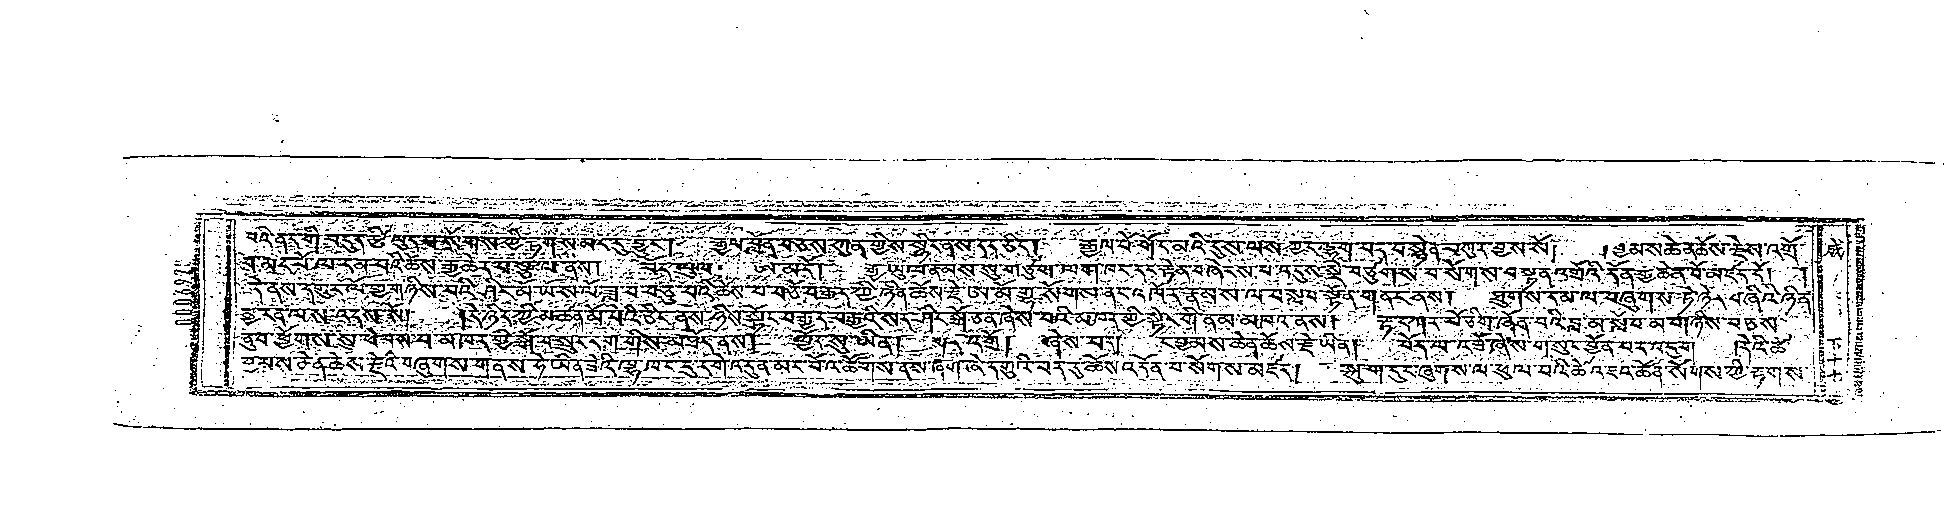པའི་ནང་གི་བདུད་རྩི་ལུང་པ་སོགས་ཀྱི་རྟགས་མང་དུ་བྱུང་། རྒྱལ་བློན་བཅས་ཀུན་གྱིས་སྙིང་ནས་དད་ཅིང་། རྒྱལ་པོ་གོང་མའི་དུས་ལས་ཀྱང་ལྷག་པར་བསྙེན་བཀུར་བྱས་སོ། །བྱམས་ཆེན་ཆོས་རྗེས་འགྲོ་
བ་མང་པོ་ལ་དམ་པའི་ཆོས་རྒྱ་ཆེར་བསྩལ་ནས། བོད་ཡུལ། ཨ་མདོ། རྒྱ་ཡུལ་རྣམས་སུ་གཙུག་ལག་ཁང་དང་རྟེན་བཞེངས་པ་འདུས་སྡེ་བཙུགས་པ་སོགས་བསྟན་འགྲོའི་དོན་རྒྱ་ཆེན་པོ་མཛད་དོ། །
དེ་ནས་དགུང་ལོ་རྒྱ་གཉིས་པའི་ཤིང་མོ་ཡོས་ལོ་ཟླ་བ་བཅུ་པའི་ཚེས་པ་བཅོ་བརྒྱད་ཀྱི་ཉིན་ཆོས་རྗེ་ཨ་མོ་གྷ་སོགས་ནང་འཁོར་རྣམས་ལ་བསླབ་སྟོན་གནང་ནས། ཐུགས་དམ་ལ་བཞུགས་ཏེ་ཉེར་བཞིའི་ཉིན་
མྱ་ངན་ལས་འདས་སོ། །དེ་ཉིད་ཀྱི་མཚན་མོ་པེའི་ཅིང་ནས་ཉིས་སྟོང་བརྒྱད་བརྒྱའི་སར་ཤིང་སྒོ་ཅན་ཞེས་པའི་མཁར་གྱི་སྟེང་གི་ནམ་མཁའ་ནས། རྟ་དཀར་པོ་ཅིག་ཞོན་བའི་བླ་མ་སློབ་མ་གཉིས་བཅས་
ནུབ་ཕྱོགས་སུ་ཕེབས་པ་མཁར་གྱི་སྒོ་བསྲུང་དག་གིས་མཐོང་ནས། ཁྱོད་སུ་ཡིན། གར་འགྲོ། ཞེས་པར། ང་བྱམས་ཆེན་ཆོས་རྗེ་ཡིན། བོད་ལ་འགྲོ་ཞེས་གསུང་བྱོན་པར་འདུག །དེའི་ཚེ་
བྱམས་ཆེན་ཆོས་རྗེའི་བཞུགས་གནས་ཧེ་ཡིན་ཟེའི་ལྷ་ཁང་དུ་དགེ་འདུན་མང་པོ་འ་ཚོགས་ནས་ཞག་ཞེ་དགུའི་བར་དུ་ཆོས་འདོན་པ་སོགས་མཛད། སྐུ་གདུང་ཞུགས་ལ་ཕུལ་བའི་ཚེ་འཇའ་ཚོན་སོགས་ཀྱི་རྟགས་